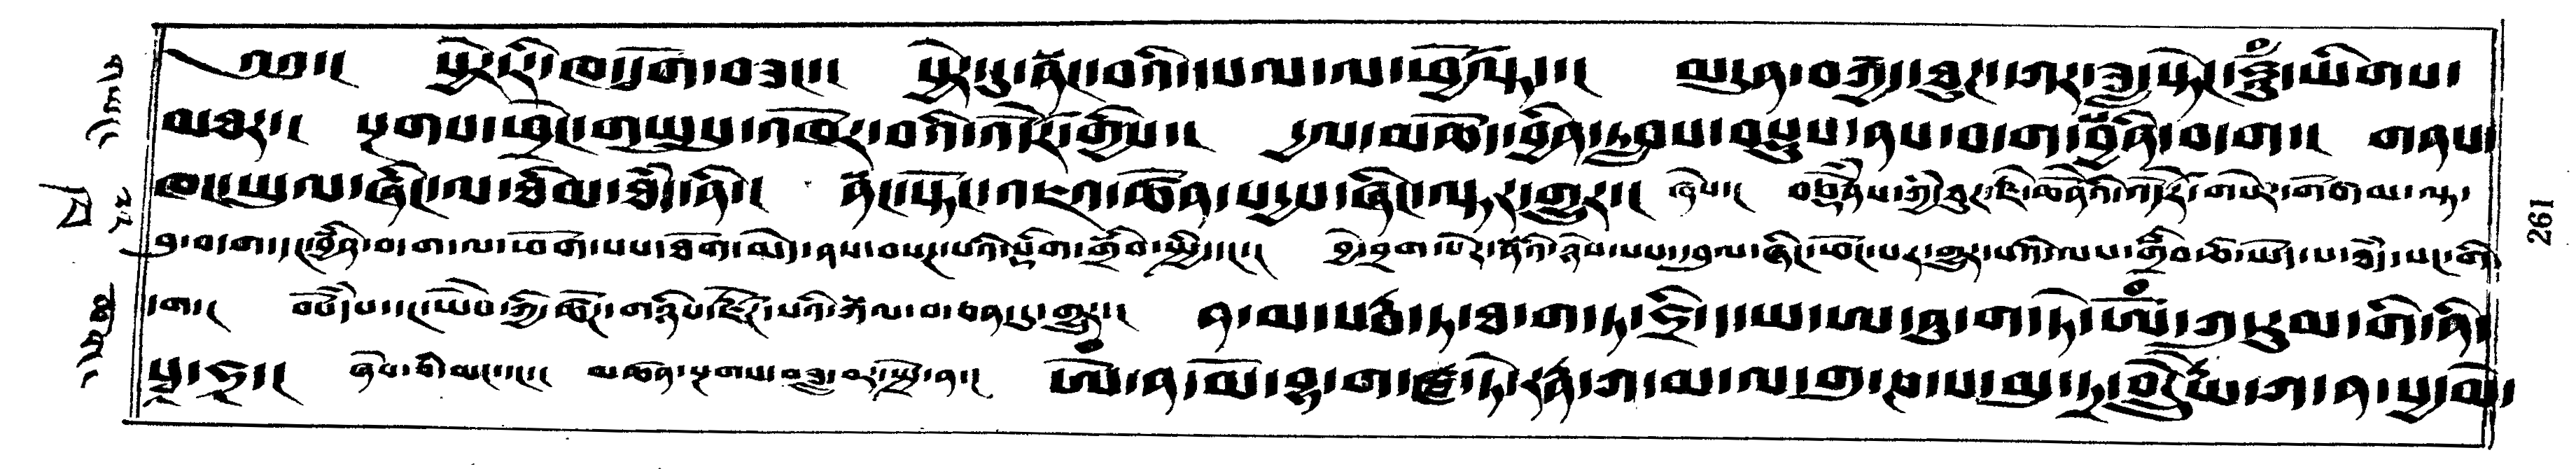གསེར་རི་ཁ་དོག་བཟང་། །གསེར་དུ་སྣང་བའི་དཔལ་ལ་ཕྱག་འཚལ་བསྟོད། །མདུན་བསྐྱེད་ཐུགས་ཀར་ཟླ་སྟེང་ཧཱུྃ་ཡིག་
མཐར། །སྔགས་ཕྲེང་གཡས་སུ་འཁོར་བའི་འོད་ཟེར་གྱིས། །རྒྱལ་མཆོད་བྱིན་རླབས་བསྡུས་ནས་བདག་སྦྱིན་བདག །གནས་
ཁང་ཡུལ་ཞིང་ལ་ཐིམ་ཐམས་ཅད་ནི། །སྣང་སྟོང་འཇའ་ཚོན་སངས་རྒྱས་ཞིང་ལྟར་གྱུར། ། ཞེས་བཅོམ་ལྡན་འདས་ཀྱི་ཐུགས་རྗེ་ཆེན་པོའི་འོད་ཟེར་གསེར་གཙོ་མ་ལྟ་
བུ་བདག་དང་སྦྱིན་བདག་ལ་ཕོག་པས་ཐོག་མེད་ནས་བསགས་པའི་སྡིག་སྒྲིབ་སྤྱི་དང་། བྱེ་བྲག་སེར་སྣའི་ཉེས་པས་དབུལ་ཞིང་ཕོངས་པར་གྱུར་པའི་ལས་སྒྲིབ་ཅི་ཡོད་པ་ཐམས་ཅད་སང་གི་
དག། བསོད་ནམས་དང་ཡེ་ཤེས་ཀྱི་ཚོགས་གཉིས་རྫོགས་པའི་སྐལ་བ་ཅན་དུ་གྱུར། ན་མ་སརྦ་ཏ་ཐ་ག་ཏ་ཧྲི་ད་ཡ་ཨ་ནུ་ག་ཏེ་ཨོཾ་ཀུ་རུམ་གི་ནི་
སྭ་ཧཱ། ཞེས་ཅི་མང་དང་། མཚན་སྔགས་བཟླ་བར་སྤྲོ་ན། ཨོཾ་ན་མོ་བྷ་ག་ཝ་ཏེ་རཏྣ་ཀ་མ་ལ་གུ་ཎ་ས་མུ་ཏྲ་བཻཌཱུརྻ་ཀ་ན་པྱ་མེ་